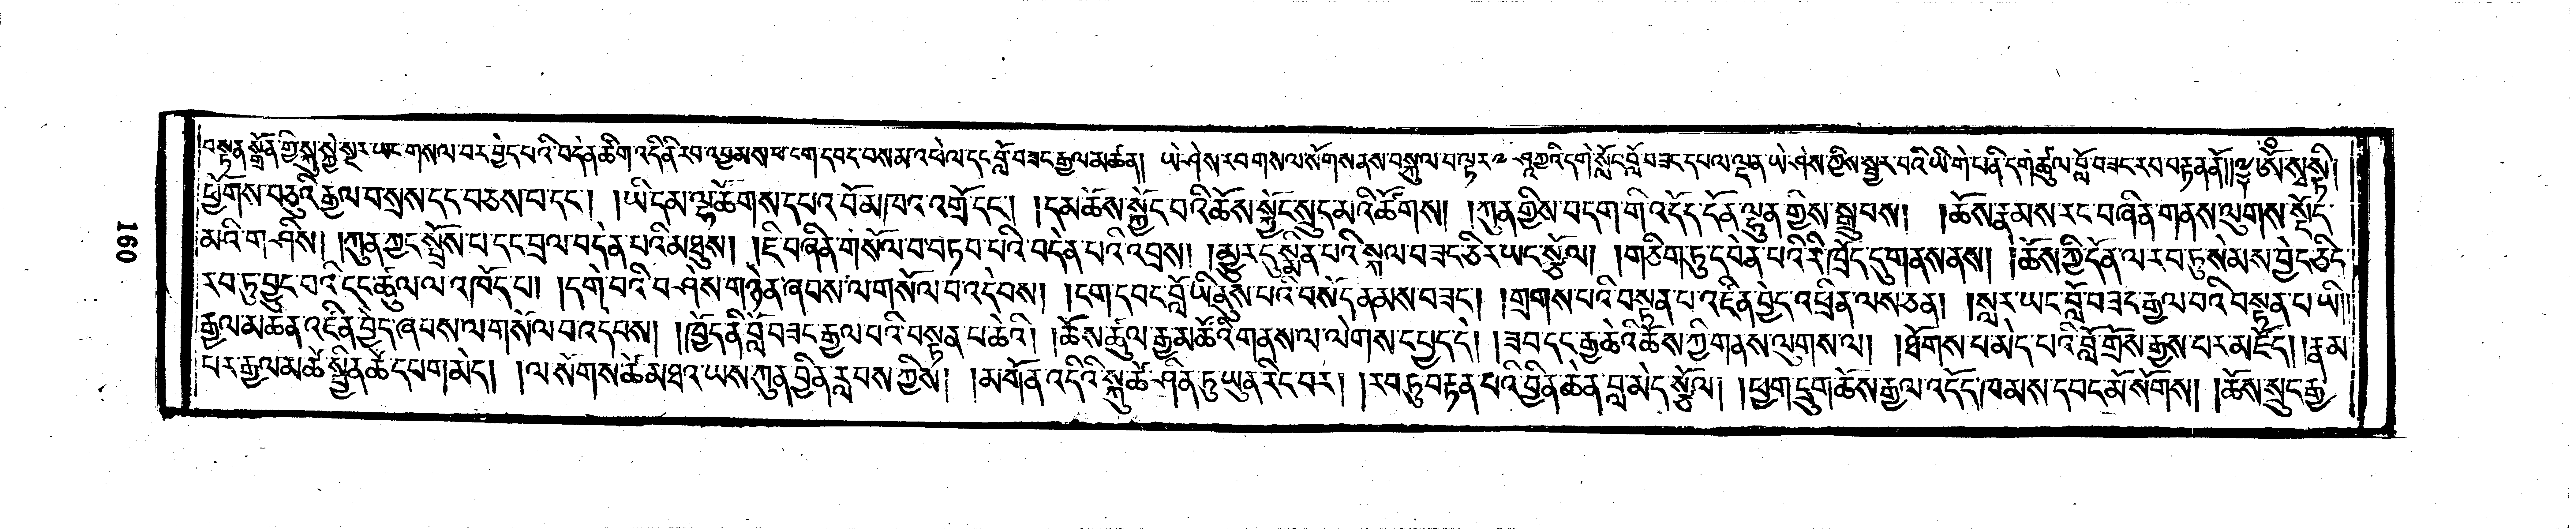བསྟན་སྒྲོན་གྱི་སྐུ་སྐྱེ་སྔར་ཡང་གསལ་བར་བྱེད་པའི་བདེན་ཚིག་འདི་ནི་རབ་འབྱམས་ཕ་ངག་དབང་བསམ་འཕེལ་དང་བློ་བཟང་རྒྱལ་མཚན། ཡེ་ཤེས་རབ་གསལ་སོགས་ནས་བསྐུལ་བ་ལྟར་༧་ཤཱཀྱའི་དགེ་སློང་བློ་བཟང་དཔལ་ལྡན་ཡེ་ཤེས་ཀྱིས་སྦྱར་བའི་ཡི་གེ་པ་ནི་དགེ་ཚུལ་བློ་བཟང་རབ་བརྟན་ནོ།། ༈ ཨོཾ་སྭསྟི།
ཕྱོགས་བཅུའི་རྒྱལ་བ་སྲས་དང་བཅས་པ་དང་། །ཡི་དམ་ལྷ་ཚོགས་དཔའ་བོ་མཁའ་འགྲོ་དང་། །དམ་ཆོས་སྐྱོང་བའི་ཆོས་སྐྱོང་སྲུང་མའི་ཚོགས། །ཀུན་གྱིས་བདག་གི་འདོད་དོན་ལྷུན་གྱིས་སྒྲུབས། །ཆོས་རྣམས་རང་བཞིན་གནས་ལུགས་སྡོད་
མའི་གཤིས། །ཀུན་ཀྱང་སྤྲོས་པ་དང་བྲལ་བདེན་པའི་མཐུས། །ཇི་བཞིན་གསོལ་བ་བཏབ་པའི་བདེན་པའི་འབྲས། །མྱུར་དུ་སྨིན་པའི་སྐལ་བཟང་ཅིར་ཡང་སྩོལ། །གཅིག་ཏུ་དབེན་པའི་རི་ཁྲོད་དུ་གནས་ནས། །ཆོས་ཀྱི་དོན་ལ་རབ་ཏུ་སེམས་བྱེད་ཅིང་
རབ་ཏུ་བྱུང་བའི་ངང་ཚུལ་ལ་འཁོད་པ། །དགེ་བའི་བཤེས་གཉེན་ཞབས་ལ་གསོལ་བ་འདེབས། །ངག་དབང་བློ་ཡི་ནུས་པའི་བསོད་ནམས་བཟང་། །གྲགས་པའི་བསྟན་པ་འཛིན་བྱེད་འཕྲིན་ལས་ཅན། །སླར་ཡང་བློ་བཟང་རྒྱལ་བའི་བསྟན་པ་ཡི།།
རྒྱལ་མཚན་འཛིན་བྱེད་ཞབས་ལ་གསོལ་བ་འདེབས། །ཁྱོད་ནི་བློ་བཟང་རྒྱལ་བའི་བསྟན་པ་ཆེའི། །ཆོས་ཚུལ་རྒྱ་མཚོའི་གནས་ལ་ལེགས་དཔྱད་དེ། །ཟབ་དང་རྒྱ་ཆེའི་ཆོས་ཀྱི་གནས་ལུགས་ལ། །ཐོགས་པ་མེད་པའི་བློ་གྲོས་རྒྱས་པར་མཛོད། །རྣམ་
པར་རྒྱལ་མཚེ་སྦྱིན་ཚེ་དཔག་མེད། །ལ་སོགས་ཚེ་མཐའ་ཡས་ཀུན་བྱིན་རླབས་ཀྱིས། །མགོན་འདིའི་སྐུ་ཚེ་ཤིན་ཏུ་ཡུན་རིང་བར། །རབ་ཏུ་བརྟན་པའི་བྱིན་ཆེན་བླ་མེད་སྩོལ། །ཕྱག་དྲུག་ཆོས་རྒྱལ་འདོད་ཁམས་དབང་མོ་སོགས། །ཆོས་སྲུང་རྒྱ་